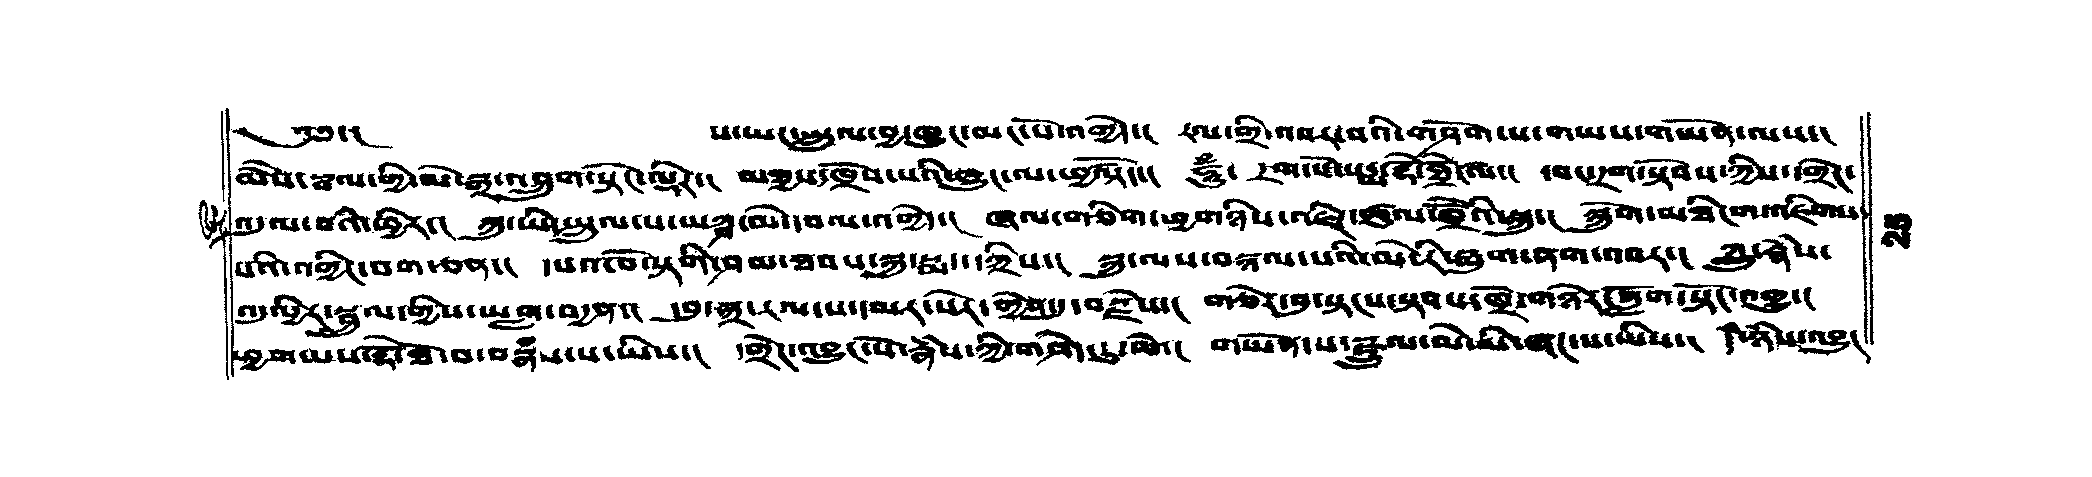པ་ཡང་སྤྲུལ་བྱ་ཁྱུང་མང་པོ་འགྱེད། །རལ་གྲི་འབར་བའི་གཤོག་པ་གཡས་གཡོན་ལས། །
ཡེ་ཤེས་སྦལ་གྱི་མེ་སྒྲ་འབྲུག་སྟོང་ལྡིར། །མཐའ་ཡས་ཁྲོས་པའི་ཁྱུང་ལ་ཕྱག་འཚལ་བསྟོད། །ཧཱུྃ། དྲག་པོ་པདྨ་རྡོ་རྗེ་ཐོད་ཕྲེང་རྩལ། །དབང་དྲག་སྟོབས་ཀྱིས་དགྲ་གེགས་
འདུལ་བའི་ཕྱིར། །སྐུ་ཡི་སྤྲུལ་པ་ཡཀྴ་མེ་དབལ་འགྱེད། །ཞལ་གཅིག་ཕྱག་གཉིས་འཇིགས་ཚུལ་ཁྲོ་བོའི་སྐུ། །སྐུ་མདོག་མཐིང་ནག་འཇིགས་
པའི་འགྱིང་བག་ཅན། །དཔའ་བོ་སྟག་གི་ཤམ་ཐབས་སྐུ་སྨད་དཀྲིས། །སྐུ་ལས་བསྐལ་བའི་མི་རི་སྨུག་ནག་འབར། །ཀླུ་རྣམས་
འདུལ་ཕྱིར་སྦྲུལ་གྱིས་ཡན་ལག་བརྒྱན། །དབུ་སྐྲ་རལ་པ་དམར་སེར་གྱེན་དུ་བརྫེས། །གཅེར་བུ་སྟངས་སྟབས་ཁྲོ་གཉེར་གློག་སྟོང་འགྱུ། །
ཕྱག་གཡས་རྡོ་རྗེ་ཐོ་བ་བསྣམས་པ་ཡིས། །དགྲ་གེགས་འབྱུང་པོ་རྣམས་ཀྱི་གཤེད་དུ་ཆེ། །གཡོན་པ་རྫུ་འཕྲུལ་མེ་ཡི་ཞགས་པ་ཡིས། །དམ་ཉམས་འབྱུང་